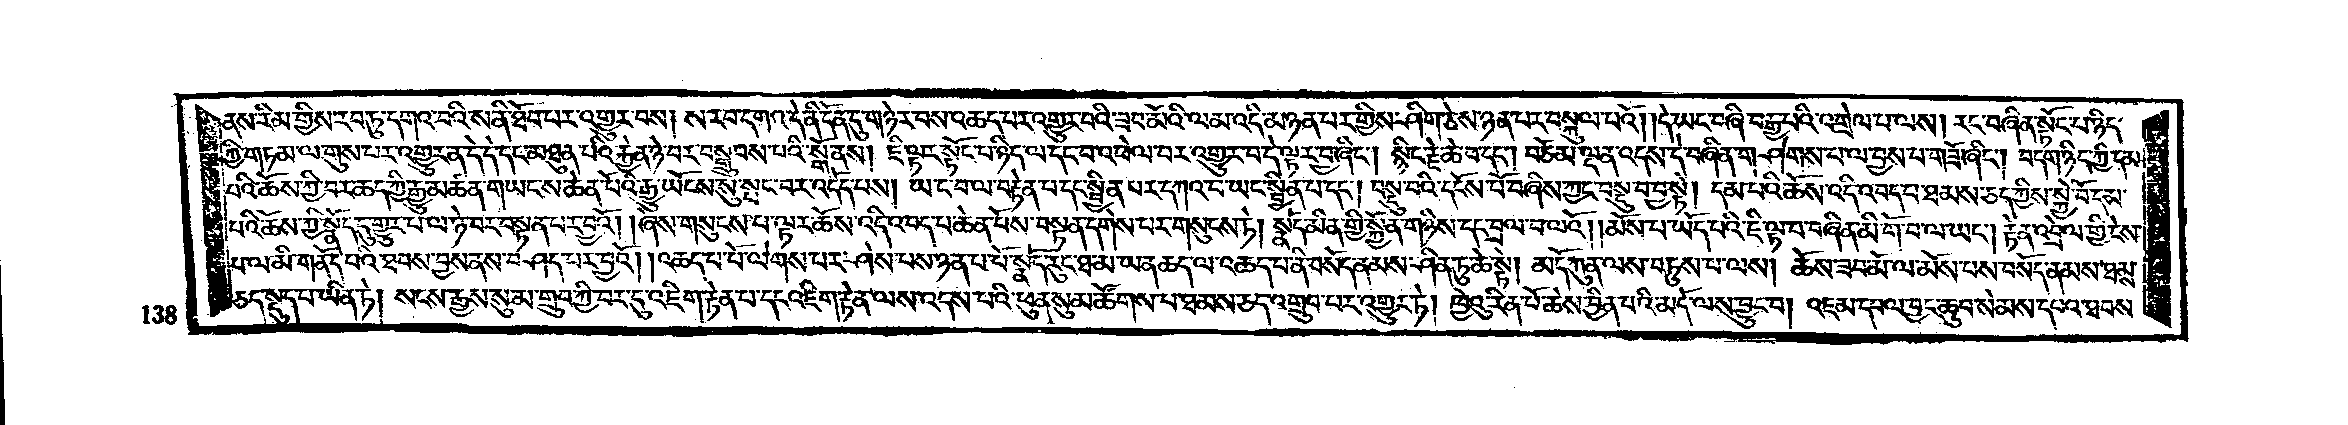ནས་རིམ་གྱིས་རབ་ཏུ་དགའ་བའི་ས་ནི་ཐོབ་པར་འགྱུར་བས། ས་རབ་དགའ་དེ་ནི་དོན་དུ་གཉེར་བས་འཆད་པར་འགྱུར་བའི་ཟབ་མོའི་ལམ་འདི་མཉན་པར་གྱིས་ཤིག་ཅེས་ཉན་པར་བསྐུལ་པའོ། །དེ་ཡང་བཞི་བརྒྱ་བའི་འགྲེལ་པ་ལས། རང་བཞིན་སྟོང་པ་ཉིད་
ཀྱི་གཏམ་ལ་གུས་པར་འགྱུར་ན་དེ་དེ་དང་མཐུན་པའི་རྐྱེན་ཉེ་བར་བསྒྲུབས་པའི་སྒོ་ནས། ཇི་ལྟར་སྟོང་པ་ཉིད་ལ་དང་བ་འཕེལ་བར་འགྱུར་བ་དེ་ལྟར་བྱ་ཞིང་། སྙིང་རྗེ་ཆེ་བ་དང་། བཅོམ་ལྡན་འདས་དེ་བཞིན་གཤེགས་པ་ལ་བྱས་པ་གཟོ་ཞིང་། བདག་ཉིད་ཀྱི་དམ་
པའི་ཆོས་ཀྱི་བར་ཆད་ཀྱི་རྒྱུ་མཚན་གཡང་ས་ཆེན་པོའི་རྒྱུ་ཡོངས་སུ་སྤང་བར་འདོད་པས། ཡ་ང་བ་ལ་བརྟེན་པ་དང་སྦྱིན་པར་དཀའ་བ་ཡང་སྦྱིན་པ་དང་། བསྡུ་བའི་དངོས་པོ་བཞིས་ཀྱང་བསྡུ་བ་བྱ་སྟེ། དམ་པའི་ཆོས་འདི་འབད་པ་ཐམས་ཅད་ཀྱིས་སྐྱེ་བོ་དམ་
པའི་ཆོས་ཀྱི་སྣོད་དུ་གྱུར་པ་ལ་ཉེ་བར་བསྟན་པར་བྱའོ། །ཞེས་གསུངས་པ་ལྟར་ཆོས་འདི་འབད་པ་ཆེན་པོས་བསྟན་དགོས་པར་གསུངས་ཏེ། སྣོད་མིན་གྱི་སྐྱོན་གཉིས་དང་བྲལ་བ་ལའོ། །མོས་པ་ཡོད་པའི་ཇི་ལྟ་བ་བཞིན་མི་གོ་བ་ལ་ཡང་། རྟེན་འབྲེལ་གྱི་ངེས་
པ་ལ་མི་གནོད་པའི་ཐབས་བྱས་ནས་བཤད་པར་བྱའོ། །འཆད་པ་པོ་ལེགས་པར་ཤེས་པས་ཉན་པ་པོ་སྣོད་རུང་ཐ་མ་ཡན་ཆད་ལ་འཆད་པ་ནི་བསོད་ནམས་ཤིན་ཏུ་ཆེ་སྟེ། མདོ་ཀུན་ལས་བཏུས་པ་ལས། ཆོས་ཟབ་མོ་ལ་མོས་པས་བསོད་ནམས་ཐམས་
ཅད་སྡུད་པ་ཡིན་ཏེ། སངས་རྒྱས་སུ་མ་གྲུབ་ཀྱི་བར་དུ་འཇིག་རྟེན་པ་དང་འཇིག་རྟེན་ལས་འདས་པའི་ཕུན་སུམ་ཚོགས་པ་ཐམས་ཅད་འགྲུབ་པར་འགྱུར་ཏེ། ཁྱེའུ་རིན་པོ་ཆེས་བྱིན་པའི་མདོ་ལས་བྱུང་བ། འཇམ་དཔལ་བྱང་ཆུབ་སེམས་དཔའ་ཐབས་